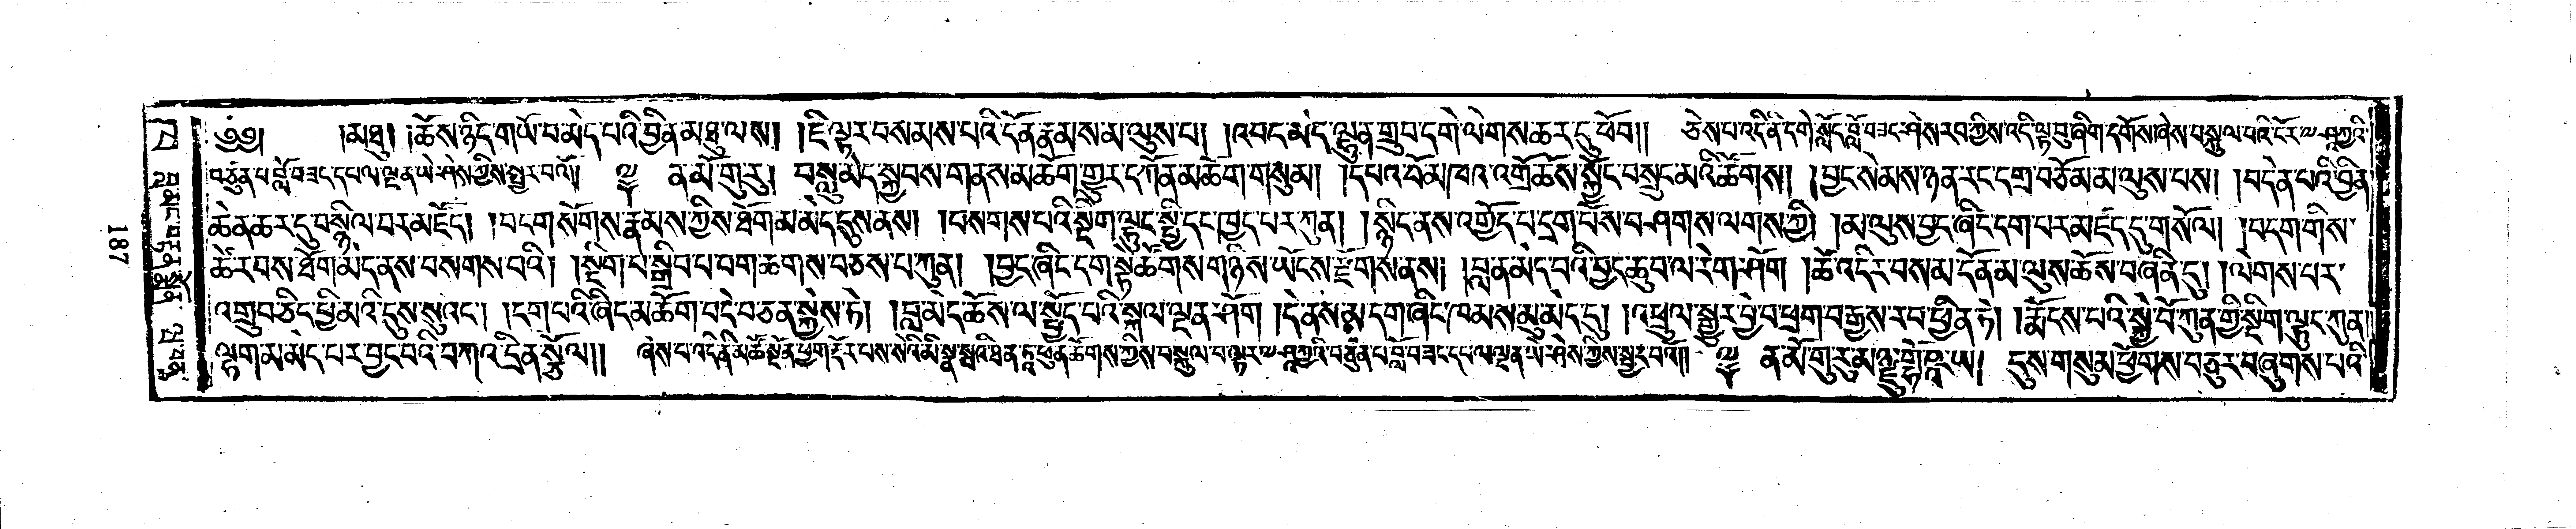༄༅། །མཐུ། །ཆོས་ཉིད་གཡོ་བ་མེད་པའི་བྱིན་མཐུ་ལས། །ཇི་ལྟར་བསམས་པའི་དོན་རྣམས་མ་ལུས་པ། །འབང་མེད་ལྷུན་གྲུབ་དགེ་ལེགས་ཆར་དུ་ཕོབ།། ཅེས་པ་འདི་ནི་དགེ་སློང་བློ་བཟང་ཤེས་རབ་ཀྱིས་འདི་ལྟ་བུ་ཞིག་དགོས་ཞེས་བསྐུལ་བའི་ངོར་༧་ཤཱཀྱའི་
བཙུན་པ་བློ་བཟང་དཔལ་ལྡན་ཡེ་ཤེས་ཀྱིས་སྦྱར་བའོ།། ༈ ན་མོ་གུ་རུ། བསླུ་མེད་སྐྱབས་གནས་མཆོག་གྱུར་དཀོན་མཆོག་གསུམ། །དཔའ་བོ་མཁའ་འགྲོ་ཆོས་སྐྱོང་བསྲུང་མའི་ཚོགས། །བྱང་སེམས་ཉན་རང་དགྲ་བཅོམ་མ་ལུས་པས། །བདེན་པའི་བྱིན་
ཆེན་ཆར་དུ་བསྙིལ་བར་མཛོད། །བདག་སོགས་རྣམས་ཀྱིས་ཐོག་མ་མེད་དུས་ནས། །བསགས་པའི་སྡིག་ལྟུང་སྤྱི་དང་ཁྱད་པར་ཀུན། །སྙིང་ནས་འགྱོད་པ་དྲག་པོས་བཤགས་ལགས་ཀྱི། །མ་ལུས་བྱང་ཞིང་དག་པར་མཛད་དུ་གསོལ། །བདག་གིས་
ཚེ་རབས་ཐོག་མེད་ནས་བསགས་པའི། །སྡིག་པ་སྒྲིབ་པ་བག་ཆགས་བཅས་པ་ཀུན། །བྱང་ཞིང་དག་སྟེ་ཚོགས་གཉིས་ཡོངས་རྫོགས་ནས། །བླ་ན་མེད་པའི་བྱང་ཆུབ་ལ་རེག་ཤོག །ཚེ་འདིར་བསམ་དོན་མ་ལུས་ཆོས་བཞིན་དུ། །ལེགས་པར་
འགྲུབ་ཅིང་ཕྱི་མའི་དུས་སུའང་། །དག་པའི་ཞིང་མཆོག་བདེ་བ་ཅན་སྐྱེས་ཏེ། །བླ་མེད་ཆོས་ལ་སྤྱོད་པའི་སྐལ་ལྡན་ཤོག །དེ་ནས་མ་དག་ཞིང་ཁམས་མུ་མེད་དུ། །འཕྲུལ་སྒྱུར་བྱེ་བ་ཕྲག་བརྒྱས་རབ་ཕྱིན་ཏེ། །རྨོངས་པའི་སྐྱེ་བོ་ཀུན་གྱི་སྡིག་ལྟུང་ཀུན།།
ལྷག་མ་མེད་པར་བྱང་བའི་བཀའ་དྲིན་སྩོལ།། ཞེས་པ་འདི་ནི་མཚོ་སྔོན་ཕྱག་རྡོར་བས་སེའི་མི་སྣ་སྤའི་ཐན་ཏཱ་ཕུན་ཚོགས་ཀྱིས་བསྐུལ་བ་ལྟར་༧ཤཱཀྱའི་བཙུན་པ་བློ་བཟང་དཔལ་ལྡན་ཡེ་ཤེས་ཀྱིས་སྦྱར་བའོ།། ༈ ན་མོ་གུ་རུ་མཉྫ་གྷོཥཱ་ཡ། དུས་གསུམ་ཕྱོགས་བཅུར་བཞུགས་པའི་